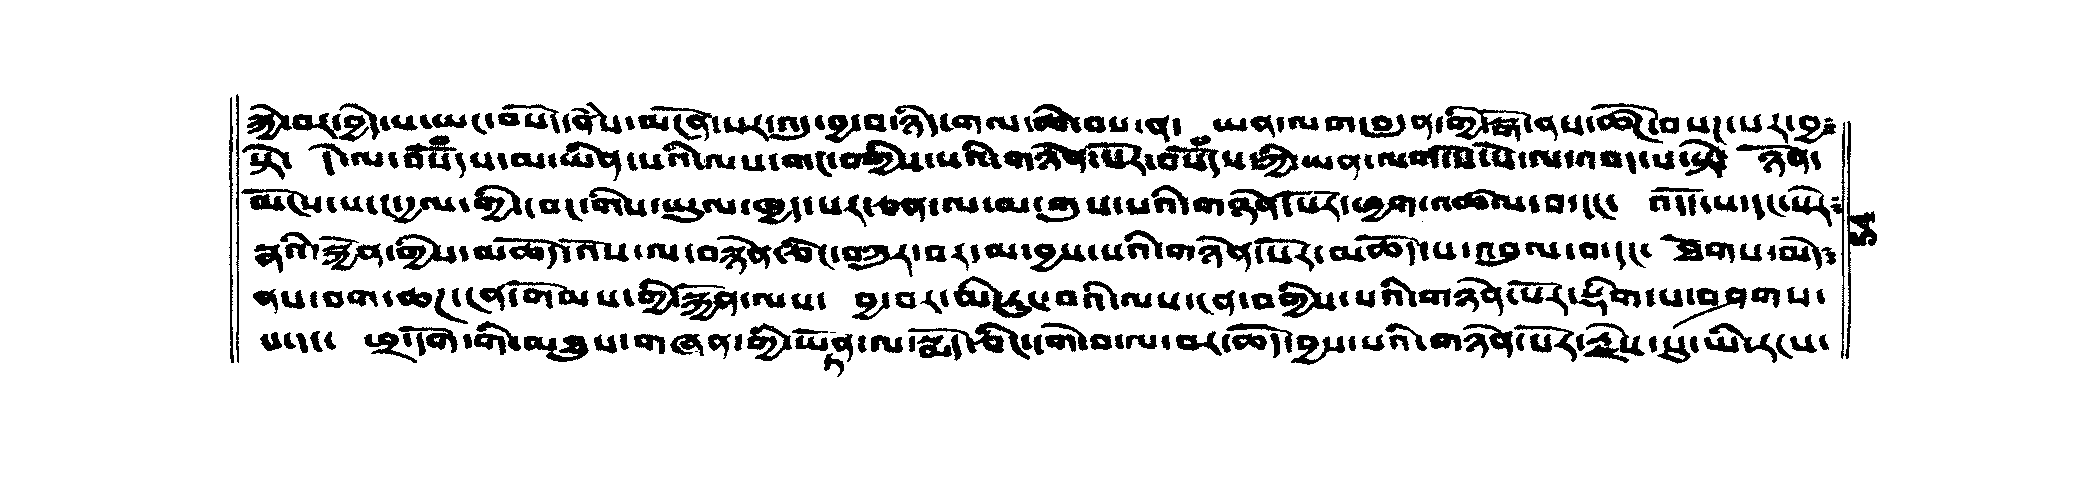སྐྱེ་བར་བྱེད་པ་ཡང་བསོད་ནམས་མངོན་པར་འདུ་བྱ་བ་ཉིད་གལ་ཆེ་བས་ན། ཡན་ལག་བདུན་གྱི་སྒོ་ནས་ཚོགས་བསགས་པར་བྱ་
སྟེ། དེ་ལ་བསོད་ནམས་མ་ཡིན་པའི་ལས་གང་བགྱིས་པའི་གཉེན་པོར་བསོད་ནམས་ཀྱི་ཡན་ལག་སོ་སོ་ལ་འབད་པ་སྟེ། ཉོན་
མོངས་པ་ང་རྒྱལ་གྱི་དབང་གིས་ཡུལ་ཁྱད་པར་ཅན་ལ་མ་གུས་པའི་གཉེན་པོར་ཕྱག་འཚལ་བ་དང་། འདོད་པ་དང་སེར་
སྣའི་སྐྱོན་གྱིས་མཆོད་འོས་ལ་བསྙེན་ཅིག་བཀུར་བར་མ་བྱས་པའི་གཉེན་པོར་མཆོད་པ་འབུལ་བ་དང་། ཐོགས་མེད་
ནས་བག་ཆགས་ངན་གོམས་ཀྱི་སྐྱོན་ལས། བྱ་བར་མི་རུང་བའི་ལས་ངན་བགྱིས་པའི་གཉེན་པོར་སྡིག་པ་བཤགས་
པ་དང་། ཕྲ་དོག་གི་མཐུས་གཞན་གྱི་ཡོན་ལ་སྨོད་ཅིང་དགེ་བ་ལ་བར་ཆོད་བྱས་པའི་གཉེན་པོར་རྗེས་སུ་ཡི་རངས་